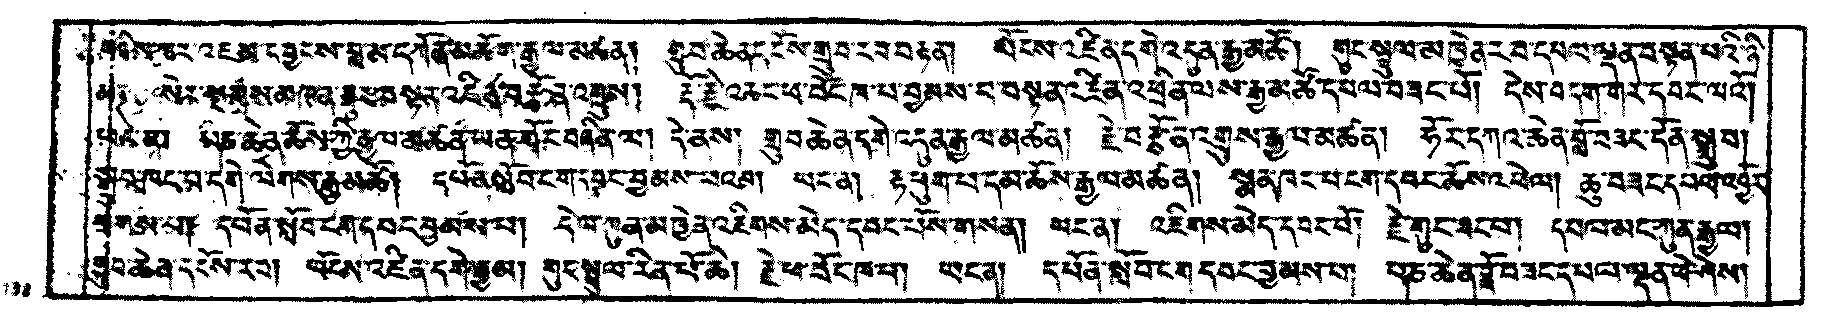གཉིས་ཀར་འཇམ་དབྱངས་བླ་མ་དཀོན་མཆོག་རྒྱལ་མཚན། གྲུབ་ཆེན་དངོས་གྲུབ་རབ་བརྟན། ཡོངས་འཛིན་དགེ་འདུན་རྒྱ་མཚོ། གུང་སྤྲུལ་མཁྱེན་རབ་དཔལ་ལྡན་བསྟན་པའི་ཉི་
མ༑ སེར་སྔགས་མཁན་ཟུར་བསྟན་འཛིན་བརྩོན་འགྲུས། རྡོ་རྗེ་འཆང་ཕ་བོང་ཁ་པ་བྱམས་པ་བསྟན་འཛིན་འཕྲིན་ལས་རྒྱ་མཚོ་དཔལ་བཟང་པོ། དེས་བདག་གར་དབང་ལའོ།
ཡང་ན། པཎ་ཆེན་ཆོས་ཀྱི་རྒྱལ་མཚན་ཡན་གོང་བཞིན་ལ། དེ་ནས། གྲུབ་ཆེན་དགེ་འདུན་རྒྱལ་མཚན། རྗེ་བརྩོན་འགྲུས་རྒྱལ་མཚན། ཧོར་དཀའ་ཆེན་བློ་བཟང་དོན་སྒྲུབ།
སྒྲུབ་ཁང་པ་དགེ་ལེགས་རྒྱ་མཚོ། དཔོན་སློབ་ངག་དབང་བྱམས་པའམ། ཡང་ན། རྟ་ཕུག་པ་དམ་ཆོས་རྒྱལ་མཚན། སྨན་ཁང་པ་ངག་དབང་ཆོས་འཕེལ། ཆུ་བཟང་དཔལ་འབྱོར་
གྲགས་པ། དཔོན་སློབ་ངག་དབང་བྱམས་པ། དེ་ལ་ཀུན་མཁྱེན་འཇིགས་མེད་དབང་པོས་གསན། ཡང་ན། འཇིགས་མེད་དབང་པོ། རྗེ་གུང་ཐང་པ། དཔལ་མང་ཀུན་རྒྱལ།
གྲུབ་ཆེན་དངོས་རབ། ཡོངས་འཛིན་དགེ་རྒྱམ། གུང་སྤྲུལ་རིན་པོ་ཆེ། རྗེ་ཕ་བོང་ཁ་པ། ཡང་ན། དཔོན་སློབ་ངག་དབང་བྱམས་པ། པཎ་ཆེན་བློ་བཟང་དཔལ་ལྡན་ཡེ་ཤེས།